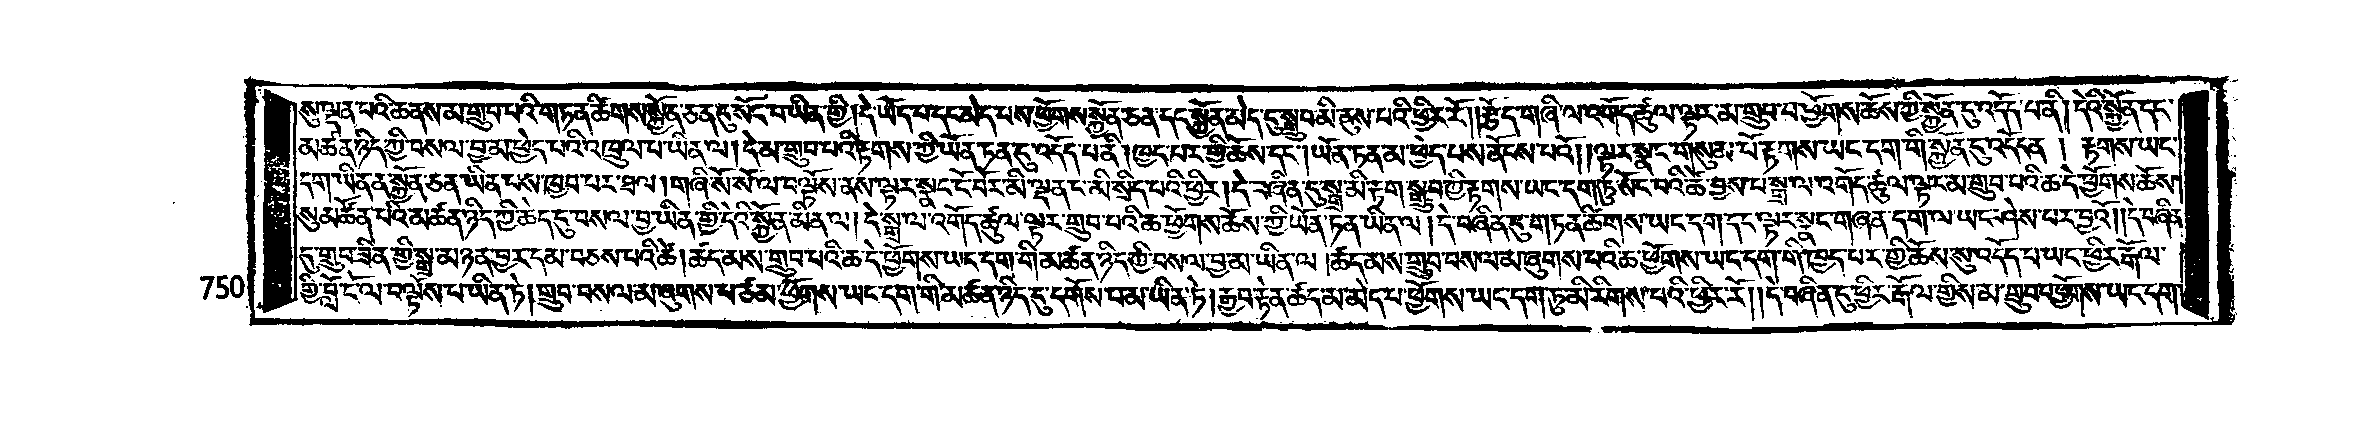སུ་ལྡན་པའི་ཆ་ནས་མ་གྲུབ་པའི་གཏན་ཚིགས་སྐྱོན་ཅན་དུ་སོང་བ་ཡིན་གྱི། དེ་ཡོད་པ་དང་མེད་པས་ཕྱོགས་སྐྱོན་ཅན་དང་སྐྱོན་མེད་དུ་སྒྲུབ་མི་ནུས་པའི་ཕྱིར་རོ། །རྩོད་གཞི་ལ་འགོད་ཚུལ་ལྟར་མ་གྲུབ་པ་ཕྱོགས་ཆོས་ཀྱི་སྐྱོན་དུ་འདོད་པ་ནི། དེའི་སྐྱོན་དང་
མཚན་ཉིད་ཀྱི་བསལ་བྱ་མ་ཕྱེད་པའི་འཁྲུལ་པ་ཡིན་ལ། དེ་མ་གྲུབ་པའི་རྟགས་ཀྱི་ཡོན་ཏན་དུ་འདོད་པ་ནི། ཁྱད་པར་གྱི་ཆོས་དང་། ཡོན་ཏན་མ་ཕྱེད་པས་ནོངས་པའོ། །ལྟར་སྣང་གསུམ་པོ་རྟགས་ཡང་དག་གི་སྐྱོན་དུ་འདོད་ན། རྟགས་ཡང་
དག་ཡིན་ན་སྐྱོན་ཅན་ཡིན་པས་ཁྱབ་པར་ཐལ། གཞི་སོ་སོ་ལ་བལྟོས་ནས་ལྟར་སྣང་ངོ་བོར་མི་ལྡན་པ་མི་སྲིད་པའི་ཕྱིར། དེ་བཞིན་དུ་སྒྲ་མི་རྟག་སྒྲུབ་ཀྱི་རྟགས་ཡང་དག་ཏུ་སོང་བའི་ཚེ་བྱས་པ་སྒྲ་ལ་འགོད་ཚུལ་ལྟར་མ་གྲུབ་པའི་ཆ་དེ་ཕྱོགས་ཆོས་
སུ་མཚོན་པའི་མཚན་ཉིད་ཀྱི་ཆེད་དུ་བསལ་བྱ་ཡིན་གྱི་དེའི་སྐྱོན་མིན་ལ། དེ་སྒྲ་ལ་འགོད་ཚུལ་ལྟར་གྲུབ་པའི་ཆ་ཕྱོགས་ཆོས་ཀྱི་ཡོན་ཏན་ཡིན་ལ། དེ་བཞིན་དུ་གཏན་ཚིགས་ཡང་དག་དང་ལྟར་སྣང་གཞན་དག་ལ་ཡང་ཤེས་པར་བྱའོ། །དེ་བཞིན་
དུ་གྲུབ་ཟིན་གྱི་སྒྲ་མཉན་བྱར་དམ་བཅས་པའི་ཚེ། ཚད་མས་གྲུབ་པའི་ཆ་དེ་ཕྱོགས་ཡང་དག་གི་མཚན་ཉིད་ཀྱི་བསལ་བྱ་མ་ཡིན་ལ། ཚད་མས་གྲུབ་བསལ་མ་ཞུགས་པའི་ཆ་ཕྱོགས་ཡང་དག་གི་ཁྱད་པར་གྱི་ཆོས་སུ་འདོད་པ་ཡང་ཕྱིར་རྒོལ་
གྱི་བློ་ངོ་ལ་བལྟོས་པ་ཡིན་ཏེ། གྲུབ་བསལ་མ་ཞུགས་པ་ཙམ་ཕྱོགས་ཡང་དག་གི་མཚན་ཉིད་དུ་དགོས་པ་མ་ཡིན་ཏེ། རྒྱབ་རྟེན་ཚད་མ་མེད་པ་ཕྱོགས་ཡང་དག་ཏུ་མི་རིགས་པའི་ཕྱིར་རོ། །དེ་བཞིན་དུ་ཕྱིར་རྒོལ་གྱིས་མ་གྲུབ་པ་ཕྱོགས་ཡང་དག་